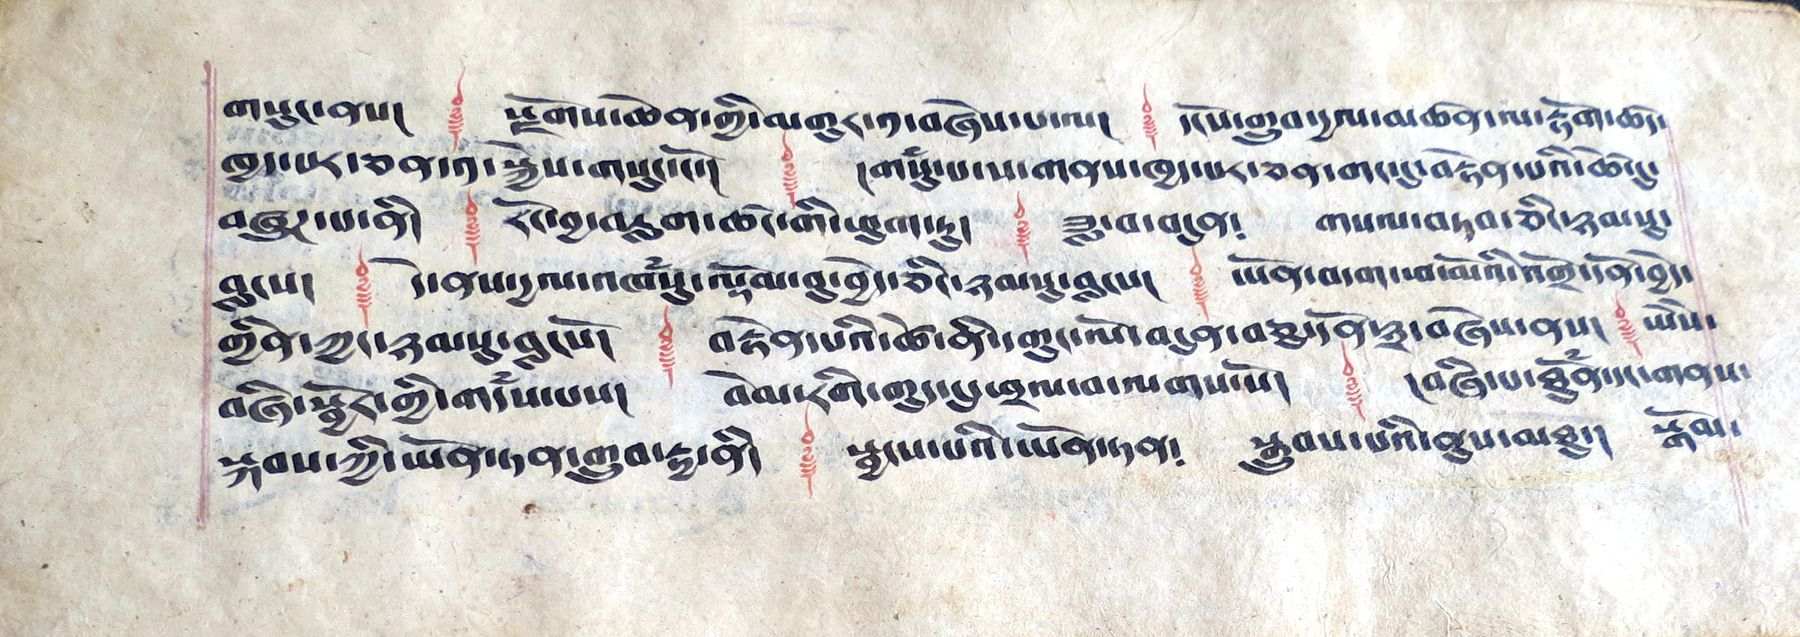གསུངས་ནས། རྫོགས་ཆེན་གྱི་མགུར་ཞིག་གསུངས་པ་ལ། དངོས་གྲུབ་རྒྱལ་མཚན་ལ་རྟོགས་ཚད་
ཁྱད་པར་ཅན་ཞིག་སྐྱེས་གསུངས་སོ། ། གསུམ་པ་ས་གནས་ཁྱད་པར་ཅན་གང་དུ་བརྟེན་པའི་ཚེ་དུ་
བཞུགས་པ་ནི། རོང་བྱ་གླག་ཚང་གི་ཕུག་ཏུ། ཟླ་བ་བདུན། གསལ་བཏབ་ཅིང་ཉམས་སུ་
བླངས། དེ་ནས་རྒྱལ་ཁམས་སུ་ལྡོམ་བུ་བྱེད་ཅིང་ཉམས་སུ་བླངས། ཡོན་བདག་ཕོ་མོའི་འགྲོ་དོན་བྱེད་
ཀྱིན་ཀྱང་ཉམས་སུ་བླངས་སོ། ། བརྟེན་པའི་ཚེ་ནི་དགུང་ལོ་བདུན་ཅུ་དོན་གསུམ་བཞེས་ནས། ཡེ་ཤེས་
བཞི་སྦྱོར་གྱི་གདམས་པས། བེམ་རིག་གུད་དུ་ཕྲལ་བ་ལགས་སོ། ། བཞི་པ་ཐུན་མོང་དང་གནས་
སྐབས་ཀྱི་ཡོན་ཏན་གྲུབ་རྟགས་ནི། སྦྱངས་པའི་ཡོན་ཏན་བསྒྲུབས་པའི་ནུས་མཐུ། སྒོམ་